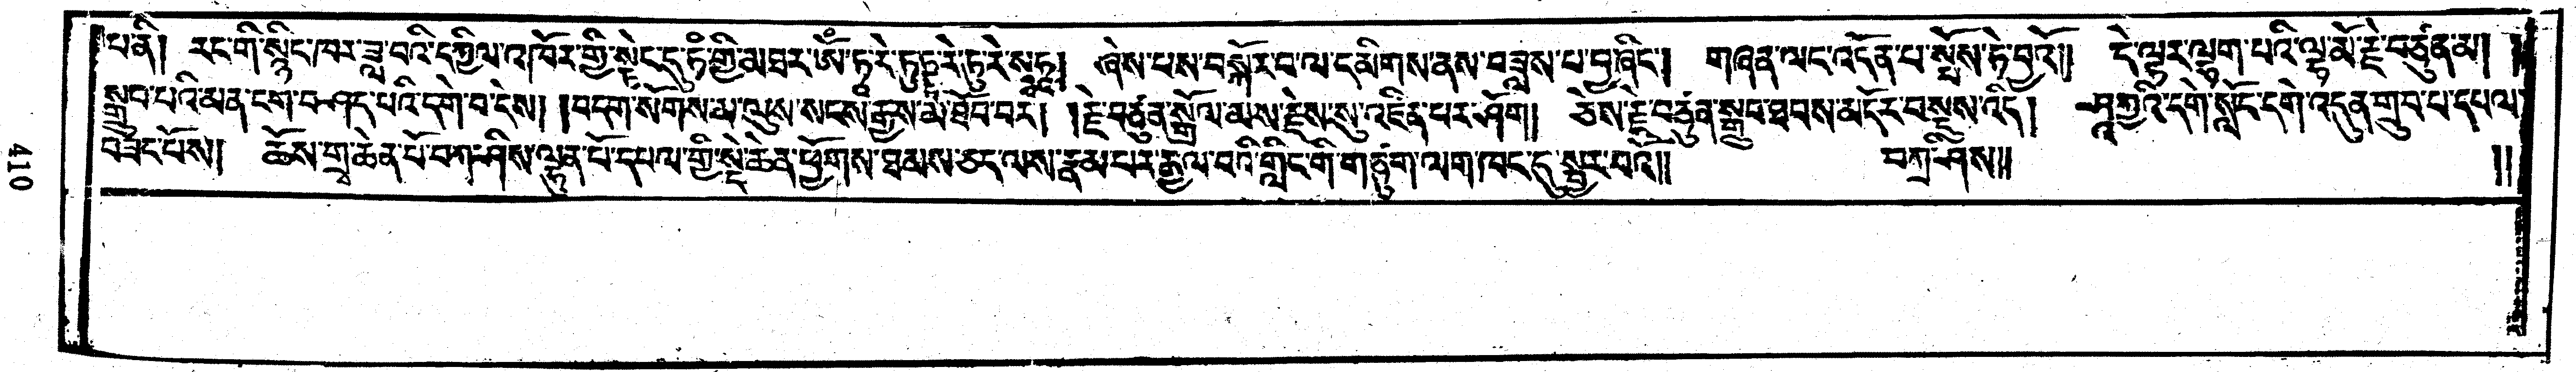པ་ནི། རང་གི་སྙིང་ཁར་ཟླ་བའི་དཀྱིལ་འཁོར་གྱི་སྟེང་དུ་ཏཾ་གྱི་མཐར་ཨོཾ་ཏཱ་རེ་ཏུཏྟཱ་རེ་ཏུ་རེ་སྭཱཧཱ། ཞེས་པས་བསྐོར་བ་ལ་དམིགས་ནས་བཟླས་པ་བྱ་ཞིང་། གཞན་ལང་འདོན་པ་སྤོས་ཏེ་བྱའོ།། དེ་ལྟར་ལྷག་པའི་ལྷ་མོ་རྗེ་བཙུན་མ། །
སྒྲུབ་པའི་མན་ངག་བཤད་པའི་དགེ་བ་དེས། །བདག་སོགས་མ་ལུས་སངས་རྒྱས་མ་ཐོབ་བར། །རྗེ་བཙུན་སྒྲོལ་མས་རྗེས་སུ་འཛིན་པར་ཤོག། ཅེས་རྗེ་བཙུན་སྒྲུབ་ཐབས་མདོར་བསྡུས་འདི། ཤཱཀྱའི་དགེ་སློང་དགེ་འདུན་གྲུབ་པ་དཔལ་
བཟང་པོས། ཆོས་གྲྭ་ཆེན་པོ་བཀྲ་ཤིས་ལྷུན་པོ་དཔལ་གྱི་སྡེ་ཆེན་ཕྱོགས་ཐམས་ཅད་ལས་རྣམ་པར་རྒྱལ་བའི་གླིང་གི་གཙུག་ལག་ཁང་དུ་སྦྱར་བའོ།། བཀྲ་ཤིས།། །།